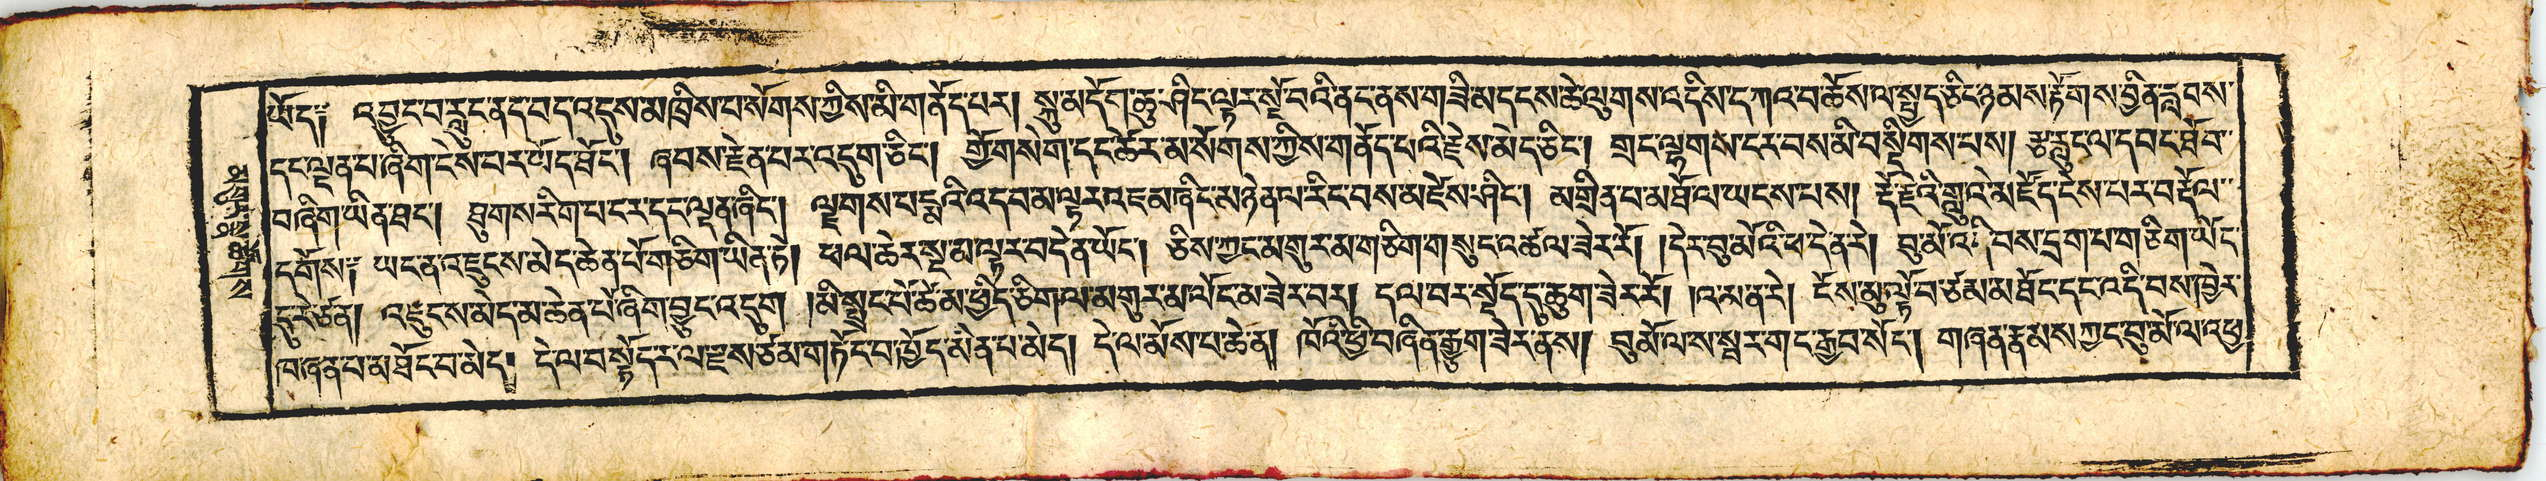ཡོད། འབྱུང་བ་རླུང་ནད་བད་འདུས་མཁྲིས་པ་སོགས་ཀྱིས་མི་གནོད་པར། སྐུ་མདོག་ཆུ་ཤིང་ལྟར་སྔོ་བའི་ནང་ནས་གཟི་མདངས་ཆེ་ལུགས་འདིས་དཀའ་བ་ཆོས་ལ་སྤྱད་ཅིང་ཉམས་རྟོགས་བྱིན་རླབས་
དང་ལྡན་པ་ཞིག་ངེས་པར་ཡོད་ཐོང་། ཞབས་རྗེན་པར་འདུག་ཅིང་། གྱོ་གསེག་དང་ཚེར་མ་སོགས་ཀྱིས་གནོད་པའི་རྗེས་མེད་ཅིང་། གྲང་ལྷགས་ངར་བས་མི་བསྡིགས་པས། རྩ་རླུང་ལ་དབང་ཐོབ་
པ་ཞིག་ཡིན་ཐང་། ཐུགས་རིག་པ་ངར་དང་ལྡན་ཞིང་། ལྗགས་པདྨའི་འདབ་མ་ལྟར་འཇམ་ཞིང་མཉེན་ལ་རིང་བས་མཛེས་ཤིང་། མགྲིན་པ་མཐོ་ལ་ཡངས་པས། རྡོ་རྗེའི་གླུའི་མཛོད་ངེས་པར་བརྡོལ་
དགོས། ཡང་ན་འཇུངས་མེད་ཆེན་པོ་གཅིག་ཡིན་ཏེ། ཕལ་ཆེར་སྔ་མ་ལྟར་བདེན་ཡོང་། ཅིས་ཀྱང་མགུར་མ་གཅིག་གསུང་འཚལ་ཟེར་རོ། །དེར་བུ་མོའི་ཕ་དེ་ན་རེ། བུ་མོ་འདི་བས་དྲག་པ་གཅིག་ཡོད་
དུ་རེ་ཙ་ན། འཇུངས་མེད་མ་ཆེན་པོ་ཞིག་བྱུང་འདུག །མི་སྤྲང་པོ་ཚེ་མ་ཕྱིད་ཅིག་ལ་མགུར་མ་ལོང་མ་ཟེར་བར། དལ་བར་སྡོད་དུ་ཆུག་ཟེར་རོ། །འ་མ་ན་རེ། ངོས་སུ་ལྟོ་བ་ཙམ་མཐོང་དང་འདི་བས་ཁྱེར་
ཁ་ཞན་པ་མཐོང་བ་མེད། དེ་ལ་བསྟོད་ར་ལ་རྫས་ཙམ་གཏོང་བ་ཁྱོད་མིན་པ་མེད། དེ་ལ་མོས་པ་ཆེ་ན། ཁོའི་ཕྱི་བཞིན་རྒྱུག་ཟེར་ནས། བུ་མོ་ལ་ས་སྦར་གང་རྒྱབ་སོང་། གཞན་རྣམས་ཀྱང་བུ་མོ་ལ་འཕྱ་(Here missing a page ཤོག་ངོས་གཅིག་ཆད་འདུག།)